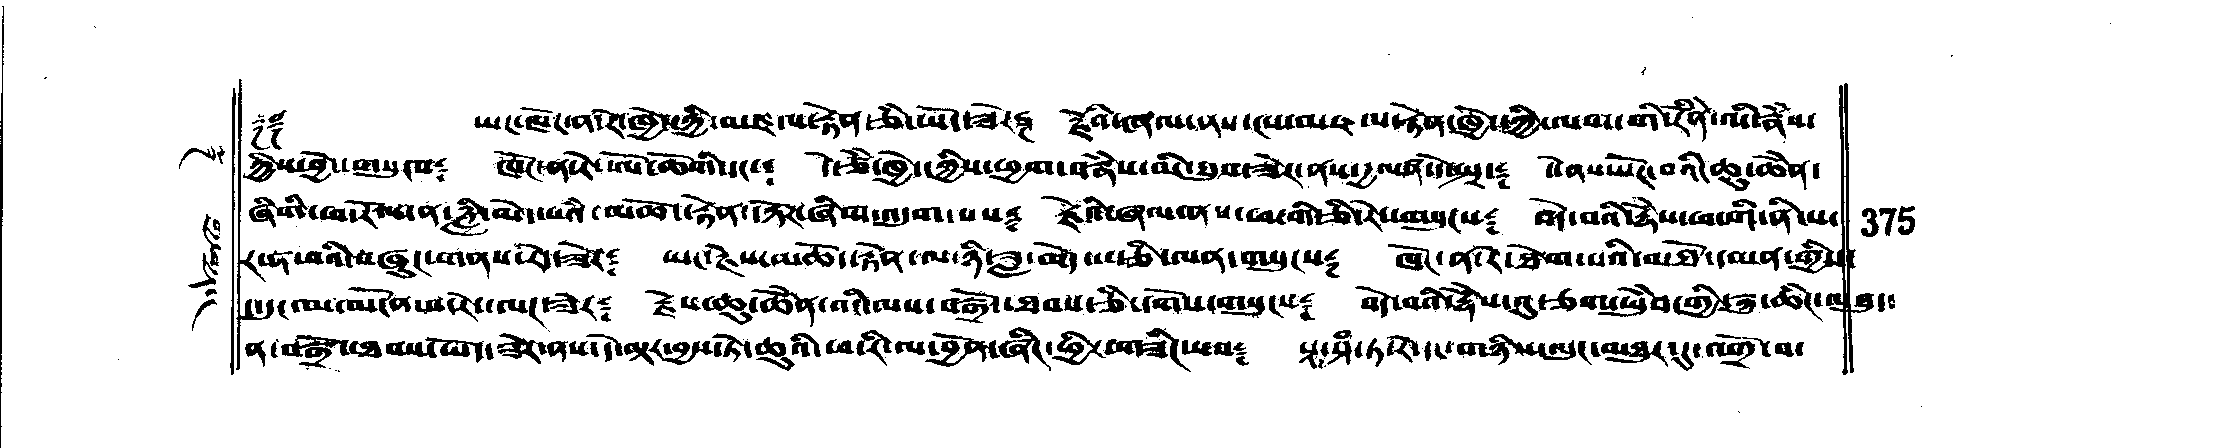ཡང་ཁོང་ན་རེ་ཁྱེད་ཀྱི་མཇལ་རྟེན་ཅི་ཡོད་ཟེར། རྗེའི་ཞལ་ནས་ངས་མཇལ་རྟེན་ཁྱེད་ཀྱི་ལག་གི་རིན་པོ་ཆེ་འདི་རྣམས་
ཀྱིས་བྱེད་གསུངས། ཁོང་ན་རེ་ཨོ་ཆོག་གི་དང་། དེ་ཙམ་ཁྱེད་ཀྱིས་ཕྱག་བསྣམས་མི་ཐུབ་ཟེར་ནས་རྒྱལ་མཚན་དེ་སྤྲད། དེ་ནས་སོང་བའི་ཆུ་ཆེན་པོ་
ཞིག་གི་ཕ་རོལ་ན་ཉི་ཟླ་མེད་པའི་མཆོད་རྟེན་དཀར་པོ་ཞིག་འདུག་པས། རྗེའི་ཞལ་ནས་ཕ་གི་ཅི་རེད་གསུངས། བདེ་བའི་རྡོ་རྗེས་ཕ་གི་ནི་ས་
ར་ཧ་པའི་བཞུགས་གནས་རེད་ཟེར། ཡང་རྗེས་མཆོད་རྟེན་ལ་ཉི་ཟླ་མེད་པ་ཅི་ལན་གསུངས། ཁོང་ན་རེ་ཐེག་པའི་མཐོ་དམན་གྱིས་
ད་དུང་མ་མངོན་པ་རེད་ལགས་ཟེར།རྗེས་ཆུ་ཆེན་པོ་འདི་ལས་བགྲོད་ཐབས་ཅི་དགོས་གསུངས། བདེ་བའི་རྡོ་རྗེས་འུ་ཅག་ཡབ་ཡུམ་གྱི་སྐུ་ཆིང་མཐུད་
ན་བགྲོད་ཐབས་ཡོད་ཟེར་ནས་དེ་ལྟར་བྱས་ཏེ་ཆུའི་ཕ་རི་ལ་༼རོལ་?༽བྱོན་ཞིང་ཕྱིར་གཟིགས་པས། པཱ་ཤཱཾ་ཏ་རེ་དང་གཉིས་ལུང་མཐུར་དུ་འགྲོ་བ་